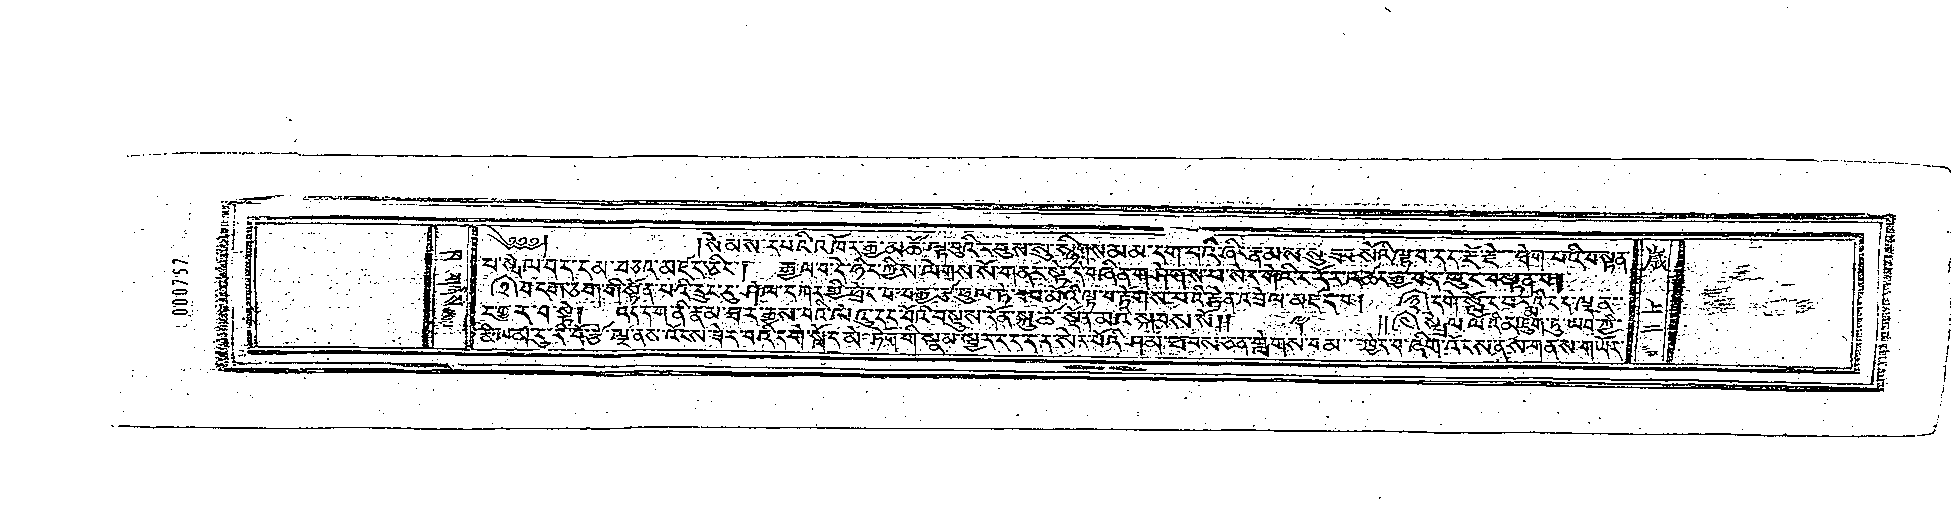༄༅༅། །སེམས་དཔའི་འཁོར་རྒྱ་མཚོ་ལྟ་བུའི་དབུས་སུ་སྙིགས་མ་མ་དག་པའི་ཞིང་རྣམས་སུ་ཟབ་སོའི་ལྟ་བ་དང་རྡོ་རྗེ་ཐེག་པའི་བསྟན་
པ་སྤེལ་བར་དམ་བཅའ་མཛད་ཅིང་། རྒྱལ་བ་དེ་ཉིད་ཀྱིས་ལེགས་སོ་གནང་སྟེ་དེ་བཞིན་གཤེགས་པ་སེང་གེའི་ང་རོར་འཚང་རྒྱ་བར་ལུང་བསྟན་པ།
༼༢?་བདག་ཅག་གི་སྟོན་པའི་དྲུང་དུ་ཤེལ་དཀར་གྱི་ཕྲེང་བ་བརྒྱ་རྩ་ཕུལ་ཏེ་ཟབ་མོའི་ལྟ་བ་རྟོགས་པའི་རྟེན་འབྲེལ་མཛད་པ། ༽༣?་དགེ་སློང་པདམའི་ངད་ལྡན་
དགྱུར་བ་སྟེ། འདི་དག་ནི་རྣམ་ཐར་རྒྱས་པའི་ལེའུ་དང་བོའི་བསྡུས་དོན་སྐུ་ཚེ་སྔོན་མའི་སྐབས་སོ།། ༈ །།༤?་སྤྲེལ་ལོའི་མཇུག་ཏུ་ཡབ་ཀྱི་
རྨི་ལམ་དུ་རི་བོ་རྩེ་ལྔ་ནས་འོངས་ཟེར་བའི་དགེ་སློང་མེ་ཏོག་གི་སྣམ་སྦྱར་དང་དར་སེར་པོའི་ཤམ་ཐབས་ཅན་གླེགས་བམ་ཁྱེར་བ་ཞིག་འོངས་ནས་གནས་གཡོར་